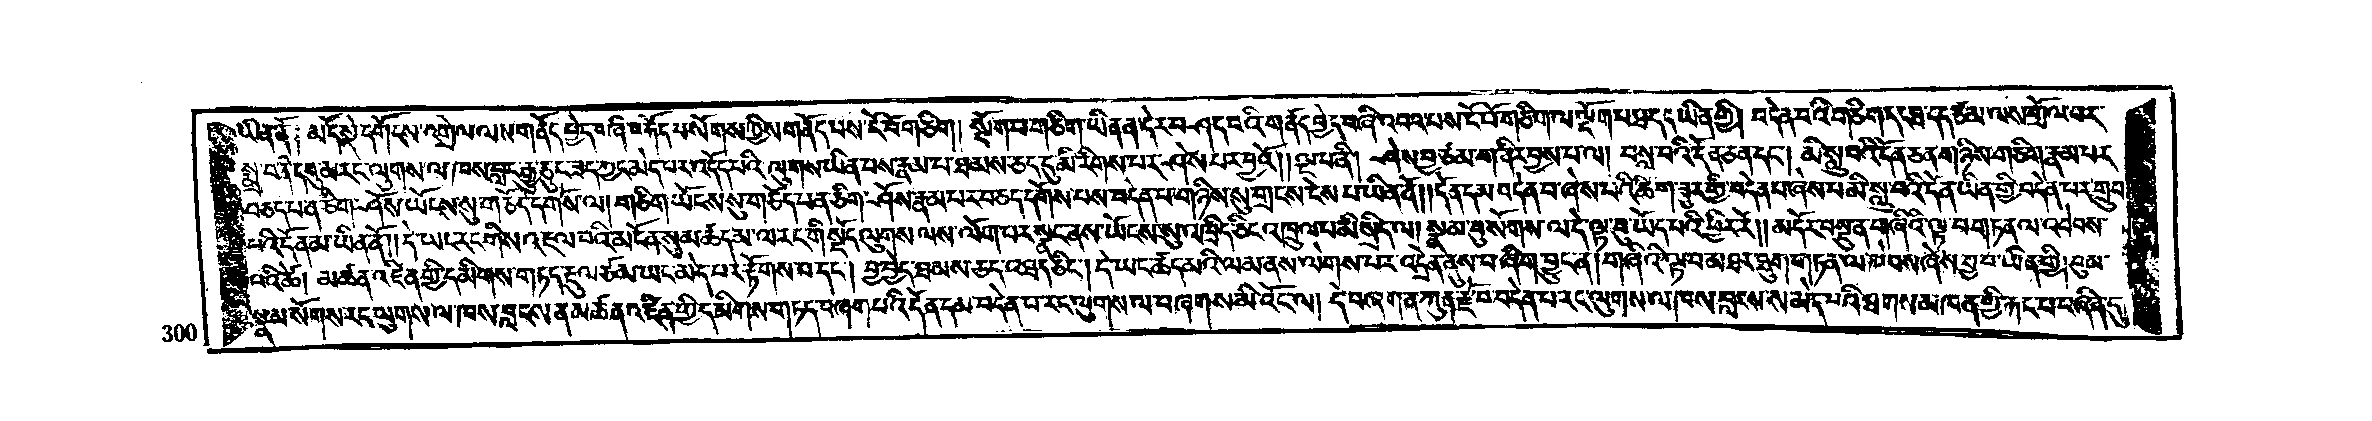ཡིན་ནོ། མདོ་སྡེ་དགོངས་འགྲེལ་ལས་གནོད་བྱེད་བཞི་བརྐོད་པ་སོགས་ཀྱིས་གནོད་པས་ངོ་བོ་གཅིག །སྡོག་པ་གཅིག་ཡིན་ན་དེར་བཤད་པའི་གནོད་བྱེད་བཞི་འབའ་བས་ངོ་བོ་གཅིག་ལ་ལྡོག་པ་ཐ་དད་ཡིན་གྱི་།བདེན་བའི་གཅིག་དང་ཐ་དད་ཙམ་ལས་གྲོལ་བར་
སྨྲ་བ་ནི་དབུ་མ་རང་ལུགས་ལ་ཁས་བླང་རྒྱུ་ཅུང་ཟད་ཀྱང་མེད་པར་འདོད་པའི་ལུགས་ཡིན་པས་རྣམ་པ་ཐམས་ཅད་དུ་མི་རིགས་པར་ཤེས་པར་བྱའོ། །ལྔ་པ་ནི། ཤེས་བྱ་ཙམ་གཞིར་བྱས་པ་ལ། བསླ་བའི་དོན་ཅན་དང་། མི་སླུ་བའི་དོན་ཅན་གཉིས་གཅིག་རྣམ་པར་
བཅད་པ་ན་ཅིག་ཤོས་ཡོངས་སུ་གཅོད་དགོས་ལ། གཅིག་ཡོངས་སུ་གཅོད་པ་ན་ཅིག་ཤོས་རྣམ་པར་བཅད་དགོས་པས་བདེན་པ་གཉིས་སུ་གྲངས་ངེས་པ་ཡིན་ནོ། །དོན་དམ་བདེན་པ་ཞེས་པའི་ཚིག་ཟུར་གྱི་བདེན་པ་ཞེས་པ་མི་སླུ་བའི་དོན་ཡིན་གྱི་བདེན་པར་གྲུབ་
པའི་དོན་མ་ཡིན་ནོ། །དེ་ཡང་རང་གིས་འཇལ་བའི་མངོན་སུམ་ཚད་མ་ལ་རང་གི་སྡོད་ལུགས་ལས་ལོག་པར་སྣང་ནས་ཡོངས་སུ་འཁྲིད་ཅིང་འཁྲུལ་པ་མི་སྲིད་ལ། སྣམ་བུ་སོགས་ལ་དེ་ལྟ་བུ་ཡོད་པའི་ཕྱིར་རོ། །མདོར་བསྡུ་ན་གཞིའི་ལྟ་བ་གཏན་ལ་འབེབས་
པའི་ཚེ། མཚན་འཛིན་གྱི་དམིགས་གཏད་རྡུལ་ཙམ་ཡང་མེད་པར་རྟོགས་པ་དང་། བྱ་བྱེད་ཐམས་ཅད་འཐད་ཅིང་། དེ་ཡང་ཚད་མའི་ལམ་ནས་ལེགས་པར་འདྲེན་ནུས་པ་ཞིག་བྱུང་ན། གཞིའི་ལྟ་བ་མཐར་ཐུག་གཏན་ལ་ཁེབས་ཞེས་བྱ་བ་ཡིན་གྱི། བུམ་
སྣམ་སོགས་རང་ལུགས་ལ་ཁས་བླངས་ན་མཚན་འཛིན་གྱི་དམིགས་གཏད་བཞག་པའི་དོན་དམ་བདེན་པ་རང་ལུགས་ལ་བཞགས་མི་འོང་ལ་དེ་བཞག་ན་ཀུན་རྫོབ་བདེན་པ་རང་ལུགས་ལ་ཁས་བླངས་ས་མེད་པའི་.ཐགས་མཁན་གྱི་རྐང་པ་བཞིན་དུ་